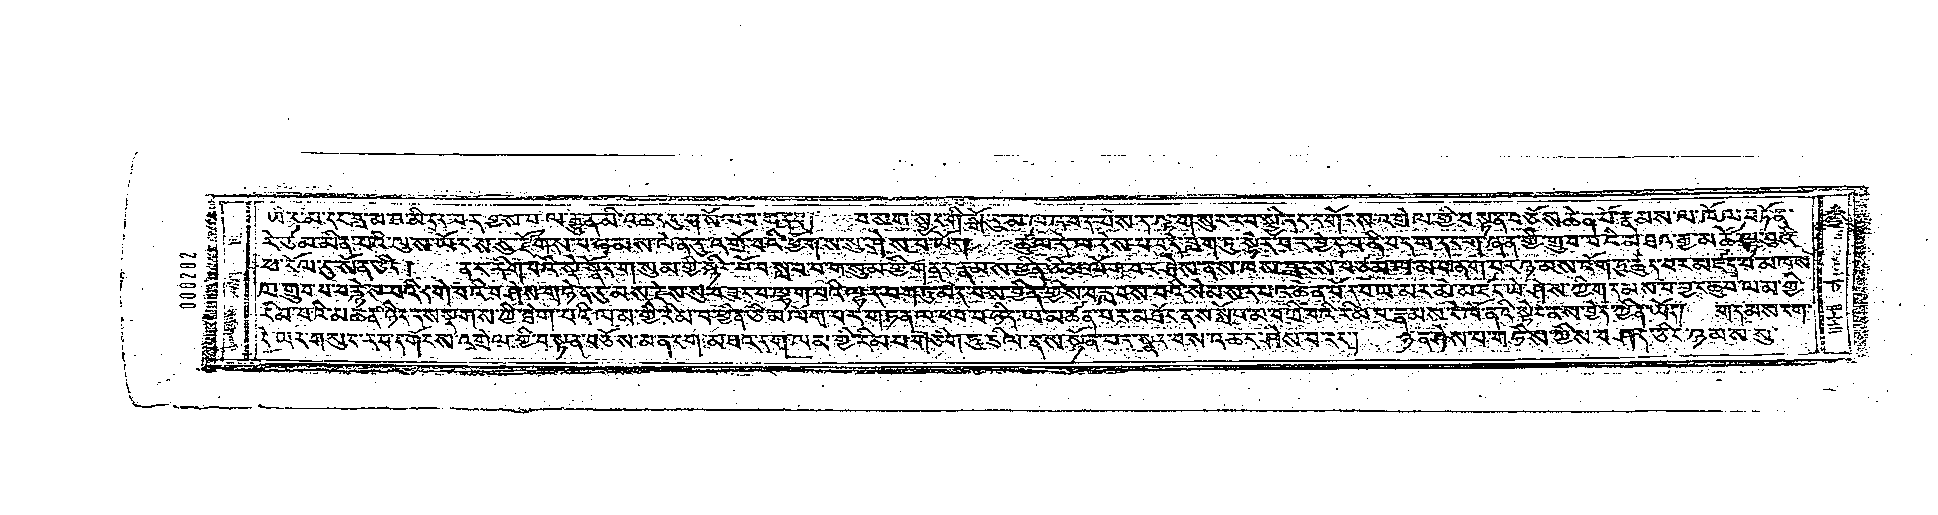ཡི་དམ་དང་བླ་མ་ཐ་མི་དང་བར་བྱས་པ་ལ་རྒྱུན་མི་འཆད་དུ་གསོལ་བ་གདབ། བསག་སྦྱང་གི་སྒོ་དུ་མ་ལ་འབད་པས་ད་ལྟ་གསུང་རབ་སྤྱི་དང་དགོངས་འགྲེལ་གྱི་བསྟན་བཅོས་ཆེན་པོ་རྣམས་ལ་ཁོལ་བཏོན་
རེ་ཙམ་མིན་པའི་ལུས་ཡོངས་སུ་རྫོགས་པ་ཉམས་ལེན་དུ་འགྲོ་བའི་ཕྱོགས་སུ་ཤེས་པ་ཡོད། ཚུལ་དེ་ལ་ངེས་པ་བདེ་བླག་ཏུ་སྟེར་བར་བྱེད་པ་ནི་བདག་དང་གཞན་གྱི་གྲུབ་བའི་མཐའ་རྒྱ་མཚོ་ལྟ་བུའི་
ཕ་རོལ་དུ་སོང་ཅིང་། ནང་རིག་པའི་སྡེ་སྣོད་གསུམ་གྱི་སྙིང་བོ་བསླབ་པ་གསུམ་གྱི་གནང་རྣམས་ཕྱིན་ཅི་མ་ལོག་བར་ཤེས་ནས་ཁས་བླངས་པ་ཙམ་ལ་མ་བཞག་པར་ཉམས་འོག་ཏུ་ཆུད་བར་མཛད་པ་མཁས་
ལ་གྲུབ་པ་བརྙེས་པའི་དགེ་བའི་བཤེས་གཉེན་དུ་མས་རྗེས་སུ་བཟུང་བ་ལྷག་པའི་ལྷ་དཔག་ཏུ་མེད་པས་བྱིན་གྱིས་བརླབས་པའི་སེམས་དཔའ་ཆེན་པོ་དཔལ་མར་མེ་མཛད་ཡེ་ཤེས་ཀྱི་གདམས་པ་བྱང་ཆུབ་ལམ་གྱི་
རིམ་བའི་མཚན་ཉིད་རས་སྔགས་ཀྱི་ཐེག་པའི་ལམ་གྱི་རིམ་བ་ཕྱིན་ཅི་མ་ལོག་པར་གཏན་ལ་ཕབ་པ་ཉིད་ཡ་མཚན་པར་མཐོང་ནས་སློབ་མ་བཀྲི་བའི་རིམ་པ་རྣམས་དེ་ཁོ་ནའི་སྟེང་ནས་བྱེད་ཀྱི་ན་ཡོད། གདམས་ངག་
དེ་ཡང་གསུང་རབ་དགོངས་འགྲེལ་གྱི་བསྟན་བཅོས་མན་ངག་མཐའ་དག་ལམ་གྱི་རིམ་པ་གཅིག་ཏུ་དྲིལ་ནས་སྟོན་པར་སྣང་བས་འཆད་ཤེས་བ་དང་། ཉན་ཤེས་པ་གཉིས་ཀྱིས་བཤད་ཅིང་ཉམས་སུ་